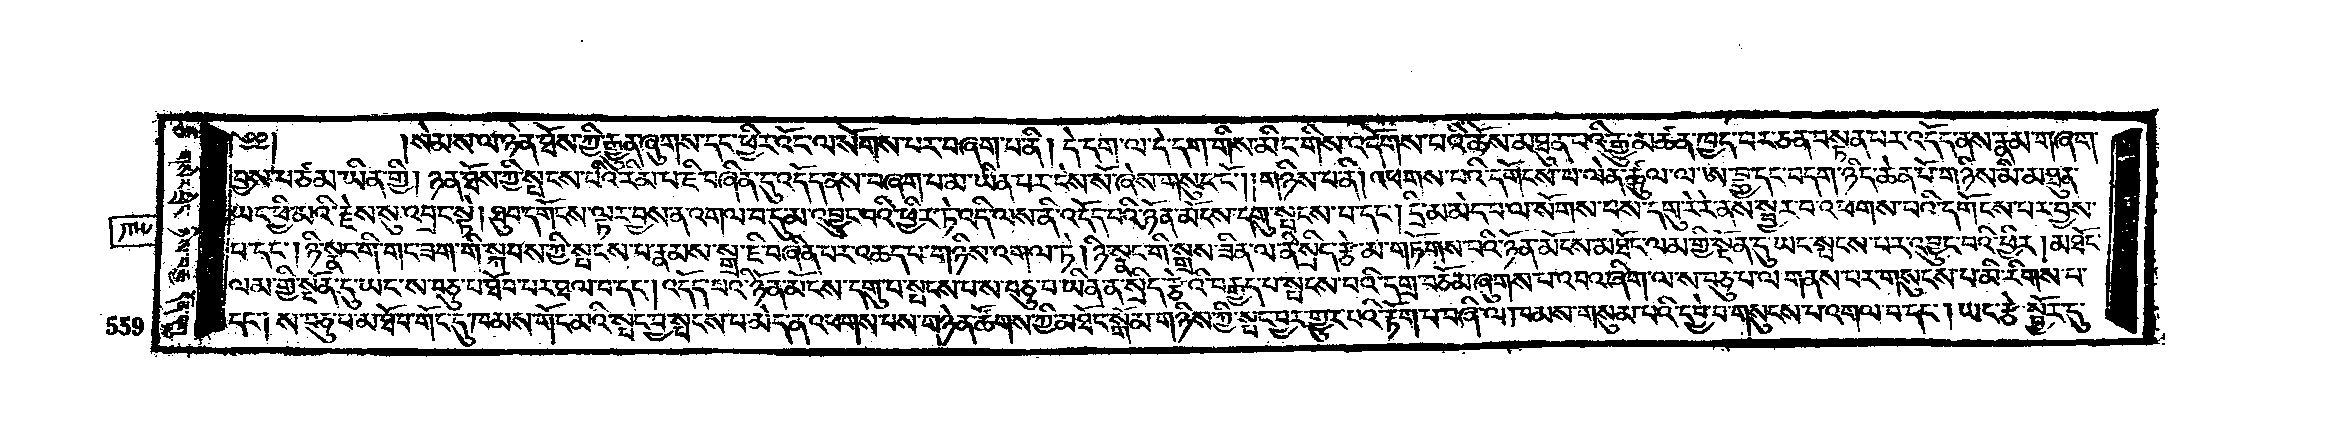༄༅། །སེམས་ལ་ཉན་ཐོས་ཀྱི་རྒྱུན་ཞུགས་དང་ཕྱིར་འོང་ལ་སོགས་པར་བཞག་པ་ནི། དེ་དག་ལ་དེ་དག་གིས་མིང་གིས་འདོགས་པའི་ཆོས་མཐུན་པའི་རྒྱུ་མཚན་ཁྱད་པར་ཅན་བསྟན་པར་འདོད་ནས་རྣམ་གཞག་
བྱས་པ་ཙམ་ཡིན་གྱི། ཉན་ཐོས་ཀྱི་སྤངས་པའི་རིམ་པ་ཇི་བཞིན་དུ་འདོད་ནས་བཞག་པ་མ་ཡིན་པར་ངེས་སོ་ཞེས་གསུང་ངོ། །གཉིས་པ་ནི། འཕགས་པའི་དགོངས་པ་ལེན་ཚུལ་ལ་ཨ་བྷྱ་དང་བདག་ཉིད་ཆེན་པོ་གཉིས་མི་མཐུན་
ཡང་ཕྱི་མའི་རྗེས་སུ་འབྲང་སྟེ། ཐུབ་དགོངས་ལྟར་བྱས་ན་འགལ་བ་དུ་མ་འབྱུང་བའི་ཕྱིར་ཏེ་འདི་ལས་ནི་འདོད་པའི་ཉོན་མོངས་དགུ་སྤངས་པ་དང་། དྲི་མ་མེད་པ་ལ་སོགས་པས་དགུ་རེ་རེ་ནས་སྦྱར་བ་འཕགས་པའི་དགོངས་པར་བྱས་
པ་དང་། ཉི་སྣང་གི་གང་ཟག་གི་སྐབས་ཀྱི་སྤངས་པ་རྣམས་སྒྲ་ཇི་བཞིན་པར་འཆད་པ་གཉིས་འགལ་ཏེ། ཉི་སྣང་གི་སྒྲས་ཟིན་ལ་ནི་སྲིད་རྩེ་མ་གཏོགས་པའི་ཉོན་མོངས་མཐོང་ལམ་གྱི་སྔོན་དུ་ཡང་སྤངས་པར་འབྱུང་བའི་ཕྱིར། མཐོང་
ལམ་གྱི་སྔོན་དུ་ཡང་ས་བཅུ་པ་ཐོབ་པར་ཐལ་བ་དང་། འདོད་པའི་ཉོན་མོངས་དགུ་པ་སྤངས་པ་ས་བཅུ་པ་ཡིན་ན་སྲིད་རྩེའི་བརྒྱད་པ་སྤངས་པའི་དགྲ་བཅོམ་ཞུགས་པ་འབའ་ཞིག་ལ་ས་བཅུ་པ་ལ་གནས་པར་གསུངས་པ་མི་རིགས་པ་
དང་། ས་བཅུ་པ་མ་ཐོབ་གོང་དུ་ཁམས་གོང་མའི་སྤང་བྱ་སྡངས་པ་མེད་ན་འཕགས་པས་གཉེན་ཚོགས་ཀྱི་མཐོང་སྒོམ་གཉིས་ཀྱི་སྤང་བྱར་གྱུར་པའི་རྟོག་པ་བཞི་ལ་ཁམས་གསུམ་པའི་དབྱེ་བ་གསུངས་པ་འགལ་བ་དང་། ཡང་རྩེ་སྦྱོར་དུ་